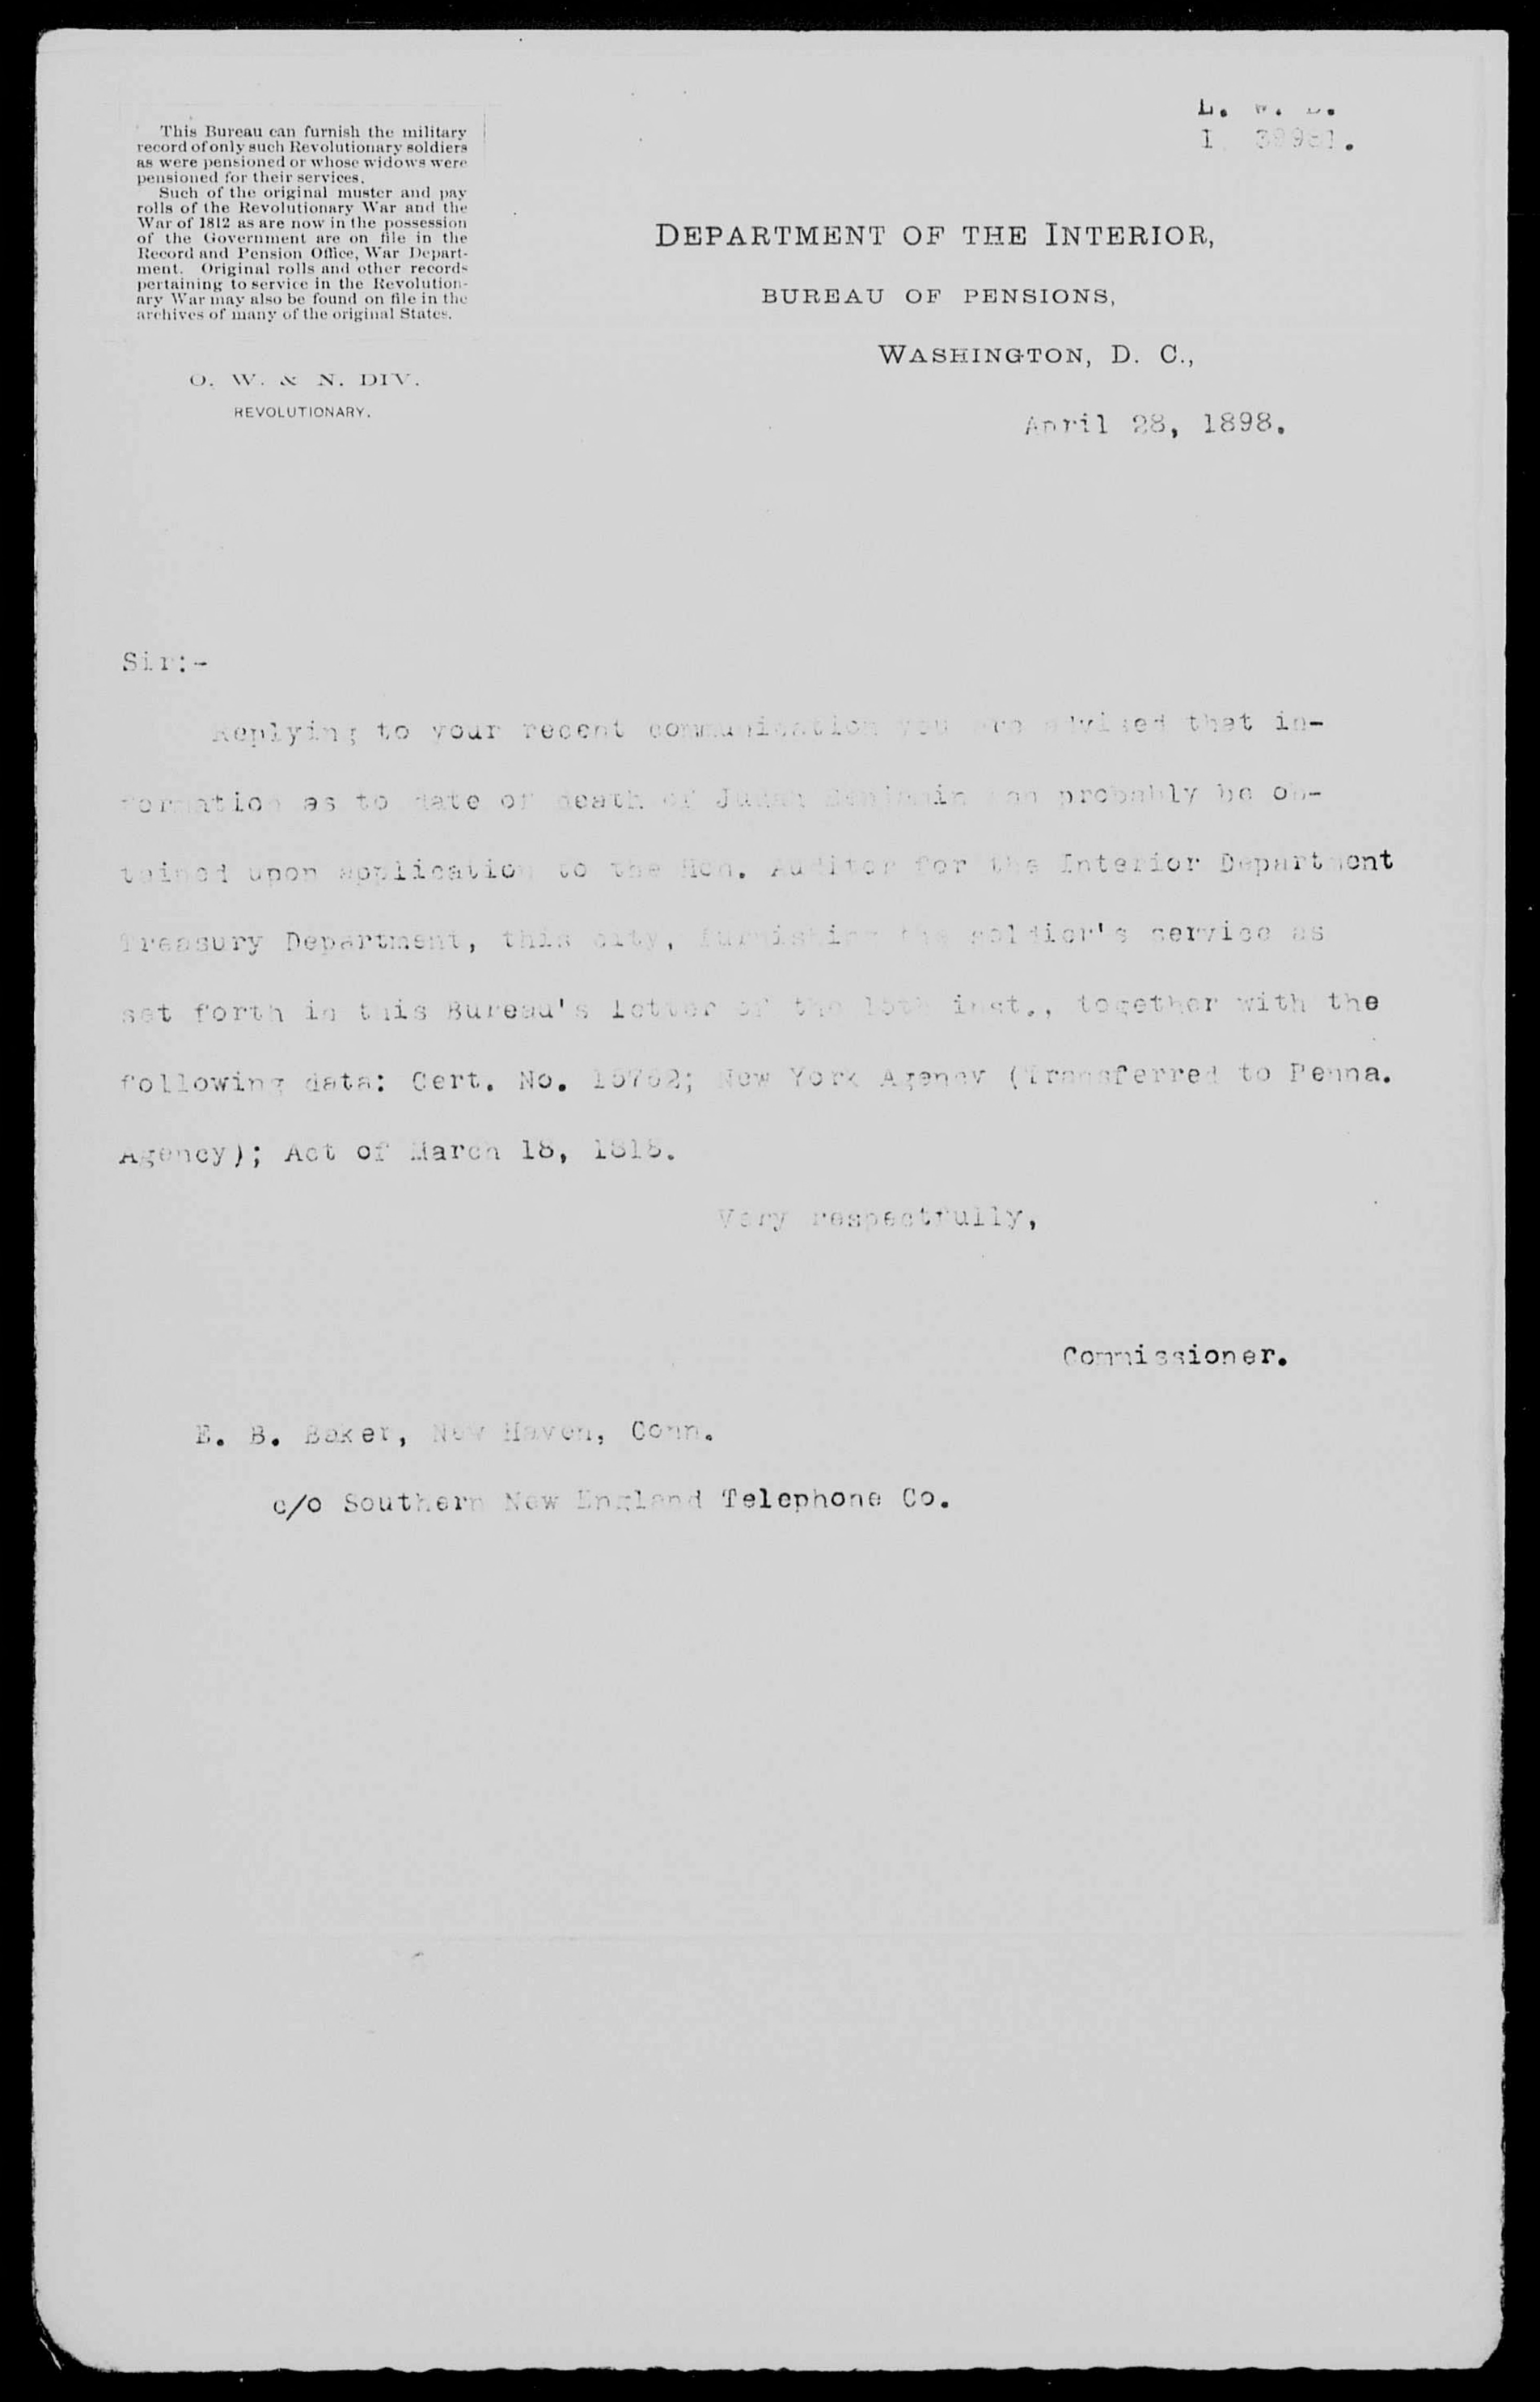This Bureau can furnish the military record of only such Revolutionary soldiers as were pensioned or whose widows were pensioned for their services. Such of the original muster and pay rolls of the Revolutionary War and the War of 1812 as are now in the possession of the Government are on file in the Record and Pension Office, War Department. Original rolls and other records pertaining to service in the Revolutionary War may also be found on file in the archives of many of the original States.
O. W. & N. DIV.

REVOLUTIONARY.
L..W. [?]
I 39981

DEPARTMENT OF THE INTERIOR,
BUREAU OF PENSIONS.
WASHINGTON, D. C.,
April 28, 1898.
Sir: -- Replying to your recent communication you are advised that information as to date of death of Judah Benjamin can probably be obtained upon application to the Hon. Auditor for the Interior Department  Treasury Department, this city, furnishing the soldier's service as set forth in this Bureau's letter of the 18th inst., together with the following data: Cert. No. 15752; New York Agency (transferred to Penna. Agency); Act of March 18, 1818.
Very respectfully,
Commissioner.

E. B. Baker, New Haven, Conn.
c/o Southern New England Telephone Co.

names: E B Baker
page: 20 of 34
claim: survivor's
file: S. 39981, Judah Benjamin, Continental (N. H. And N. Y.)